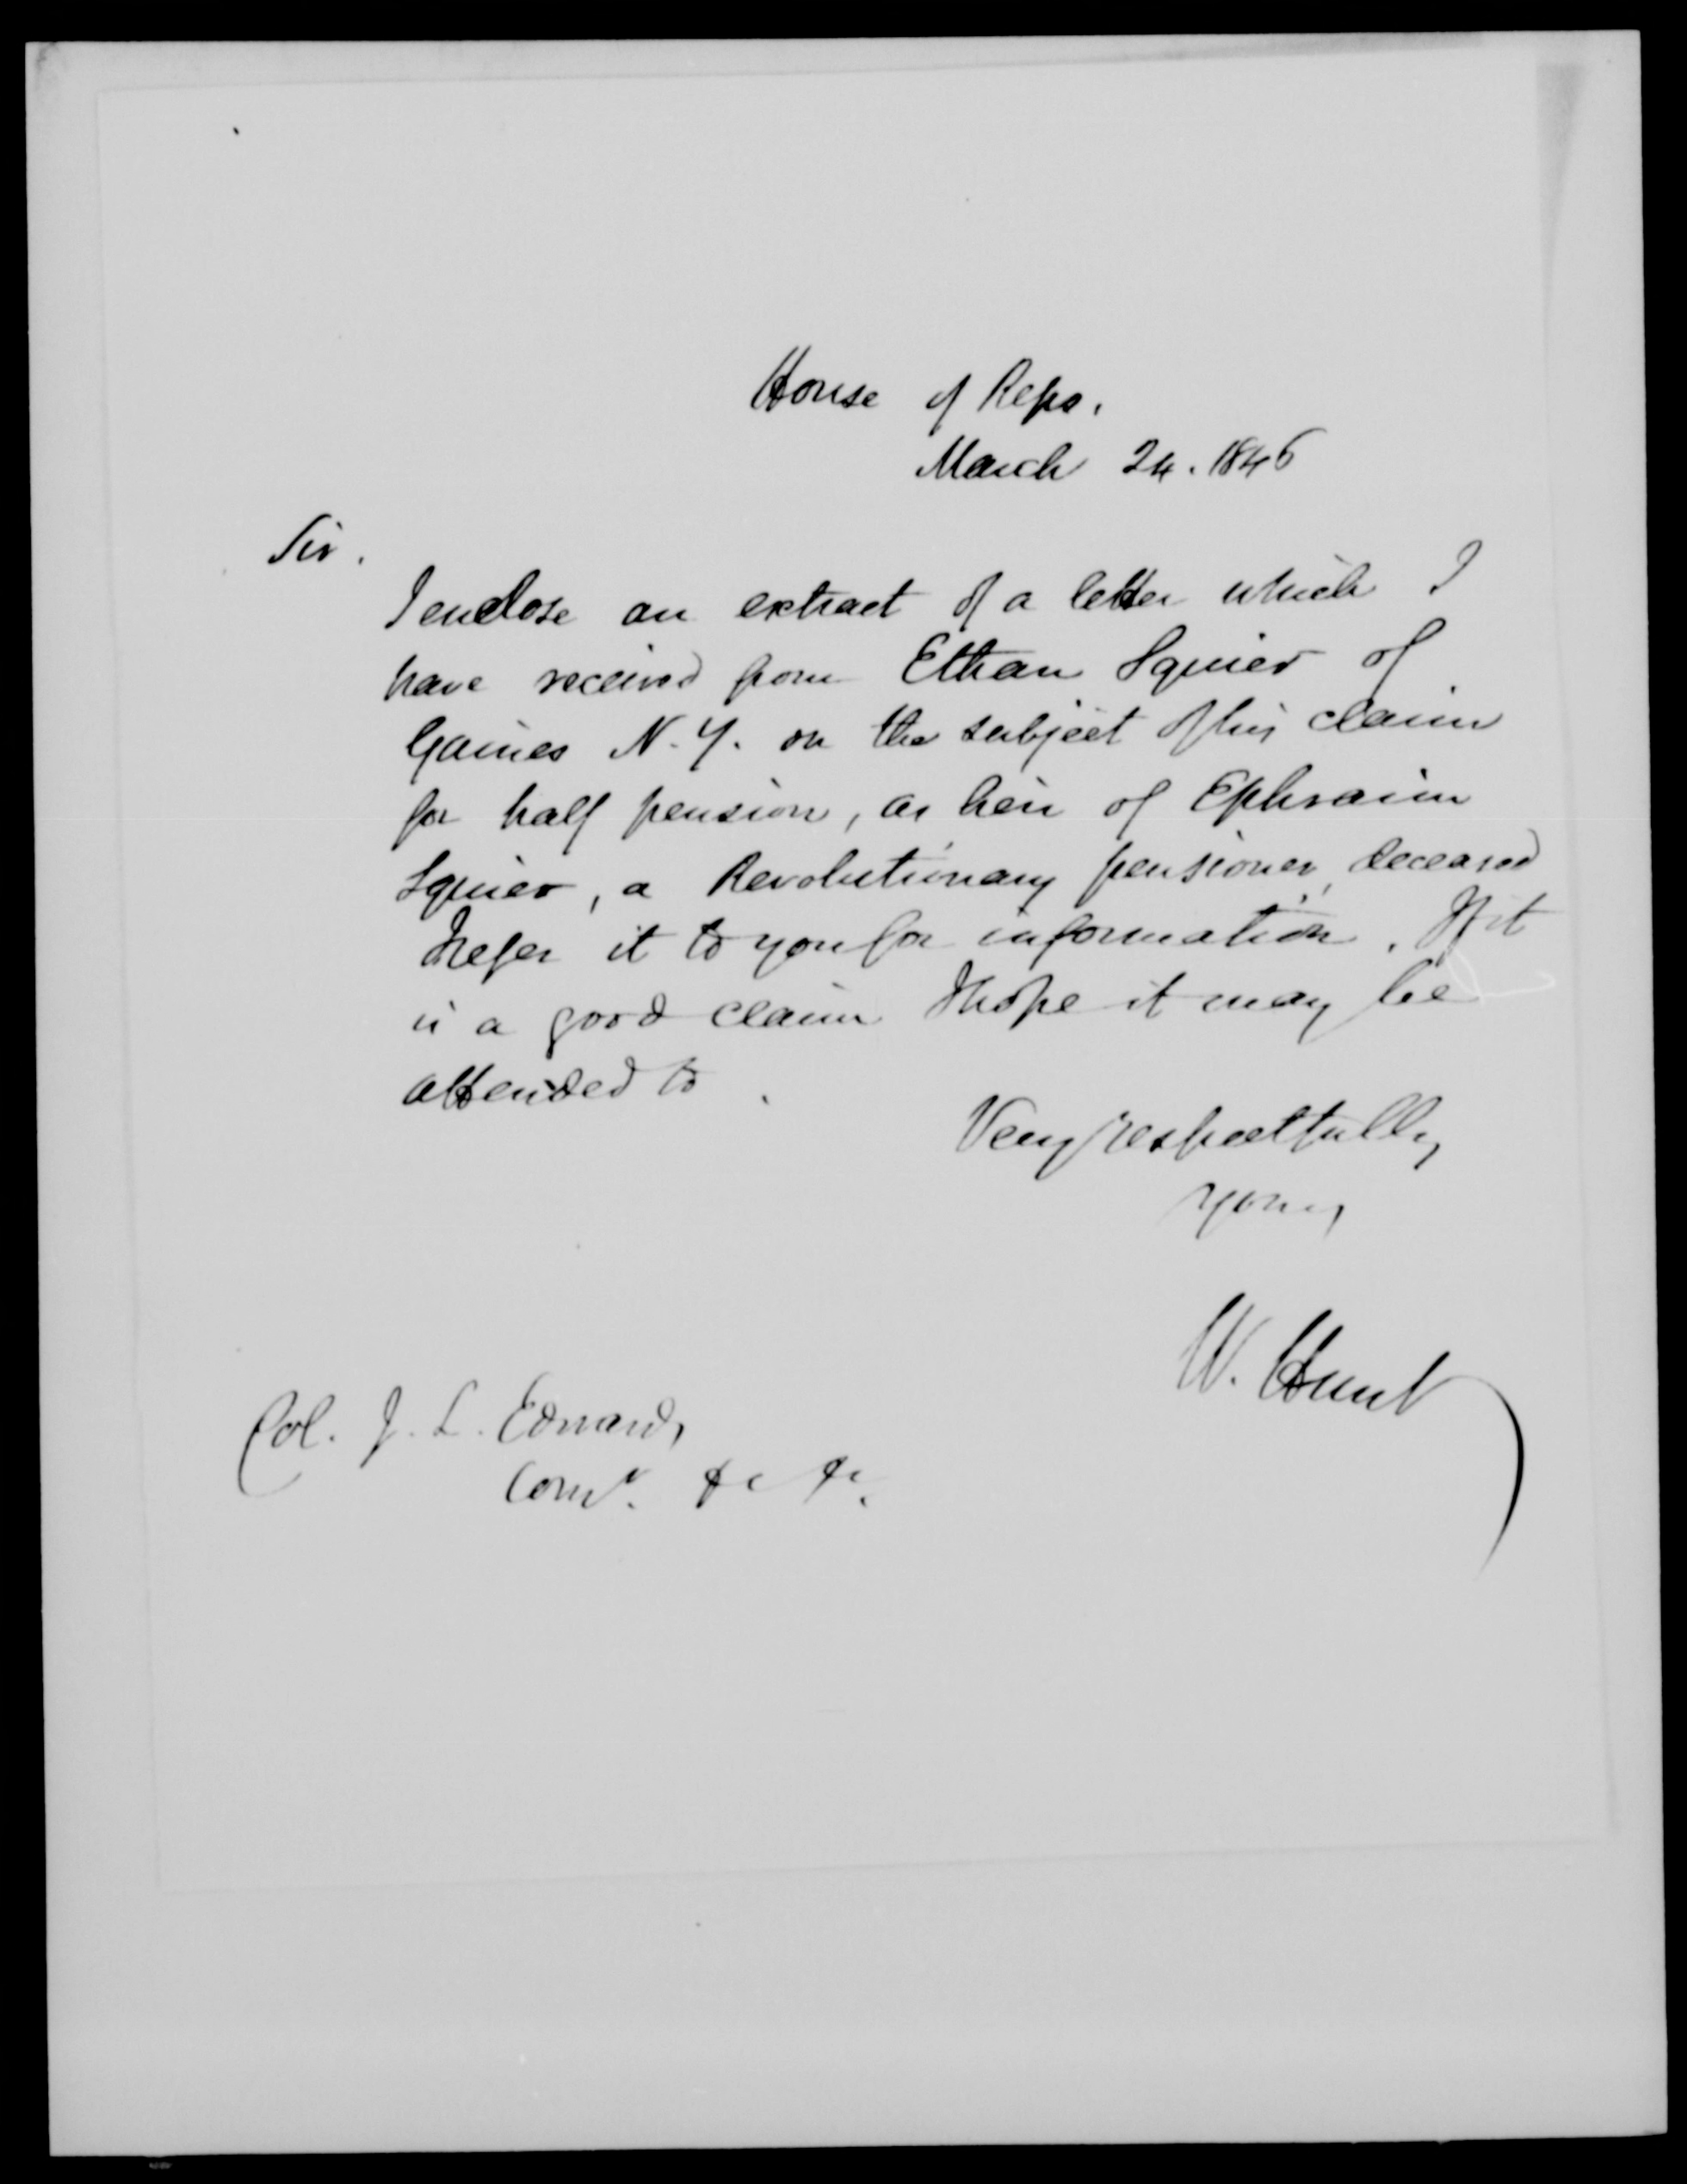House of Repr. 
March 24, 1846

Sir 
I enclose an exctract of a letter which I have received from Ethan Squier of Gaines N.Y. on the subject of his claim for half pension, an heir of Ephraim Squier, a Revolutionary pensioner deceased refer it to you for information. Not in a good claim I hope it can be attended to. 

Very respectfully yours, 
W. Hunt

Col. J. L. Edward
Com. [illegible]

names: Ethan Squier; J L Edwards; Ephraim Squier; W Hunt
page: 48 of 70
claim: rejected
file: R. 10,026, for Ephraim Squier, Connecticut